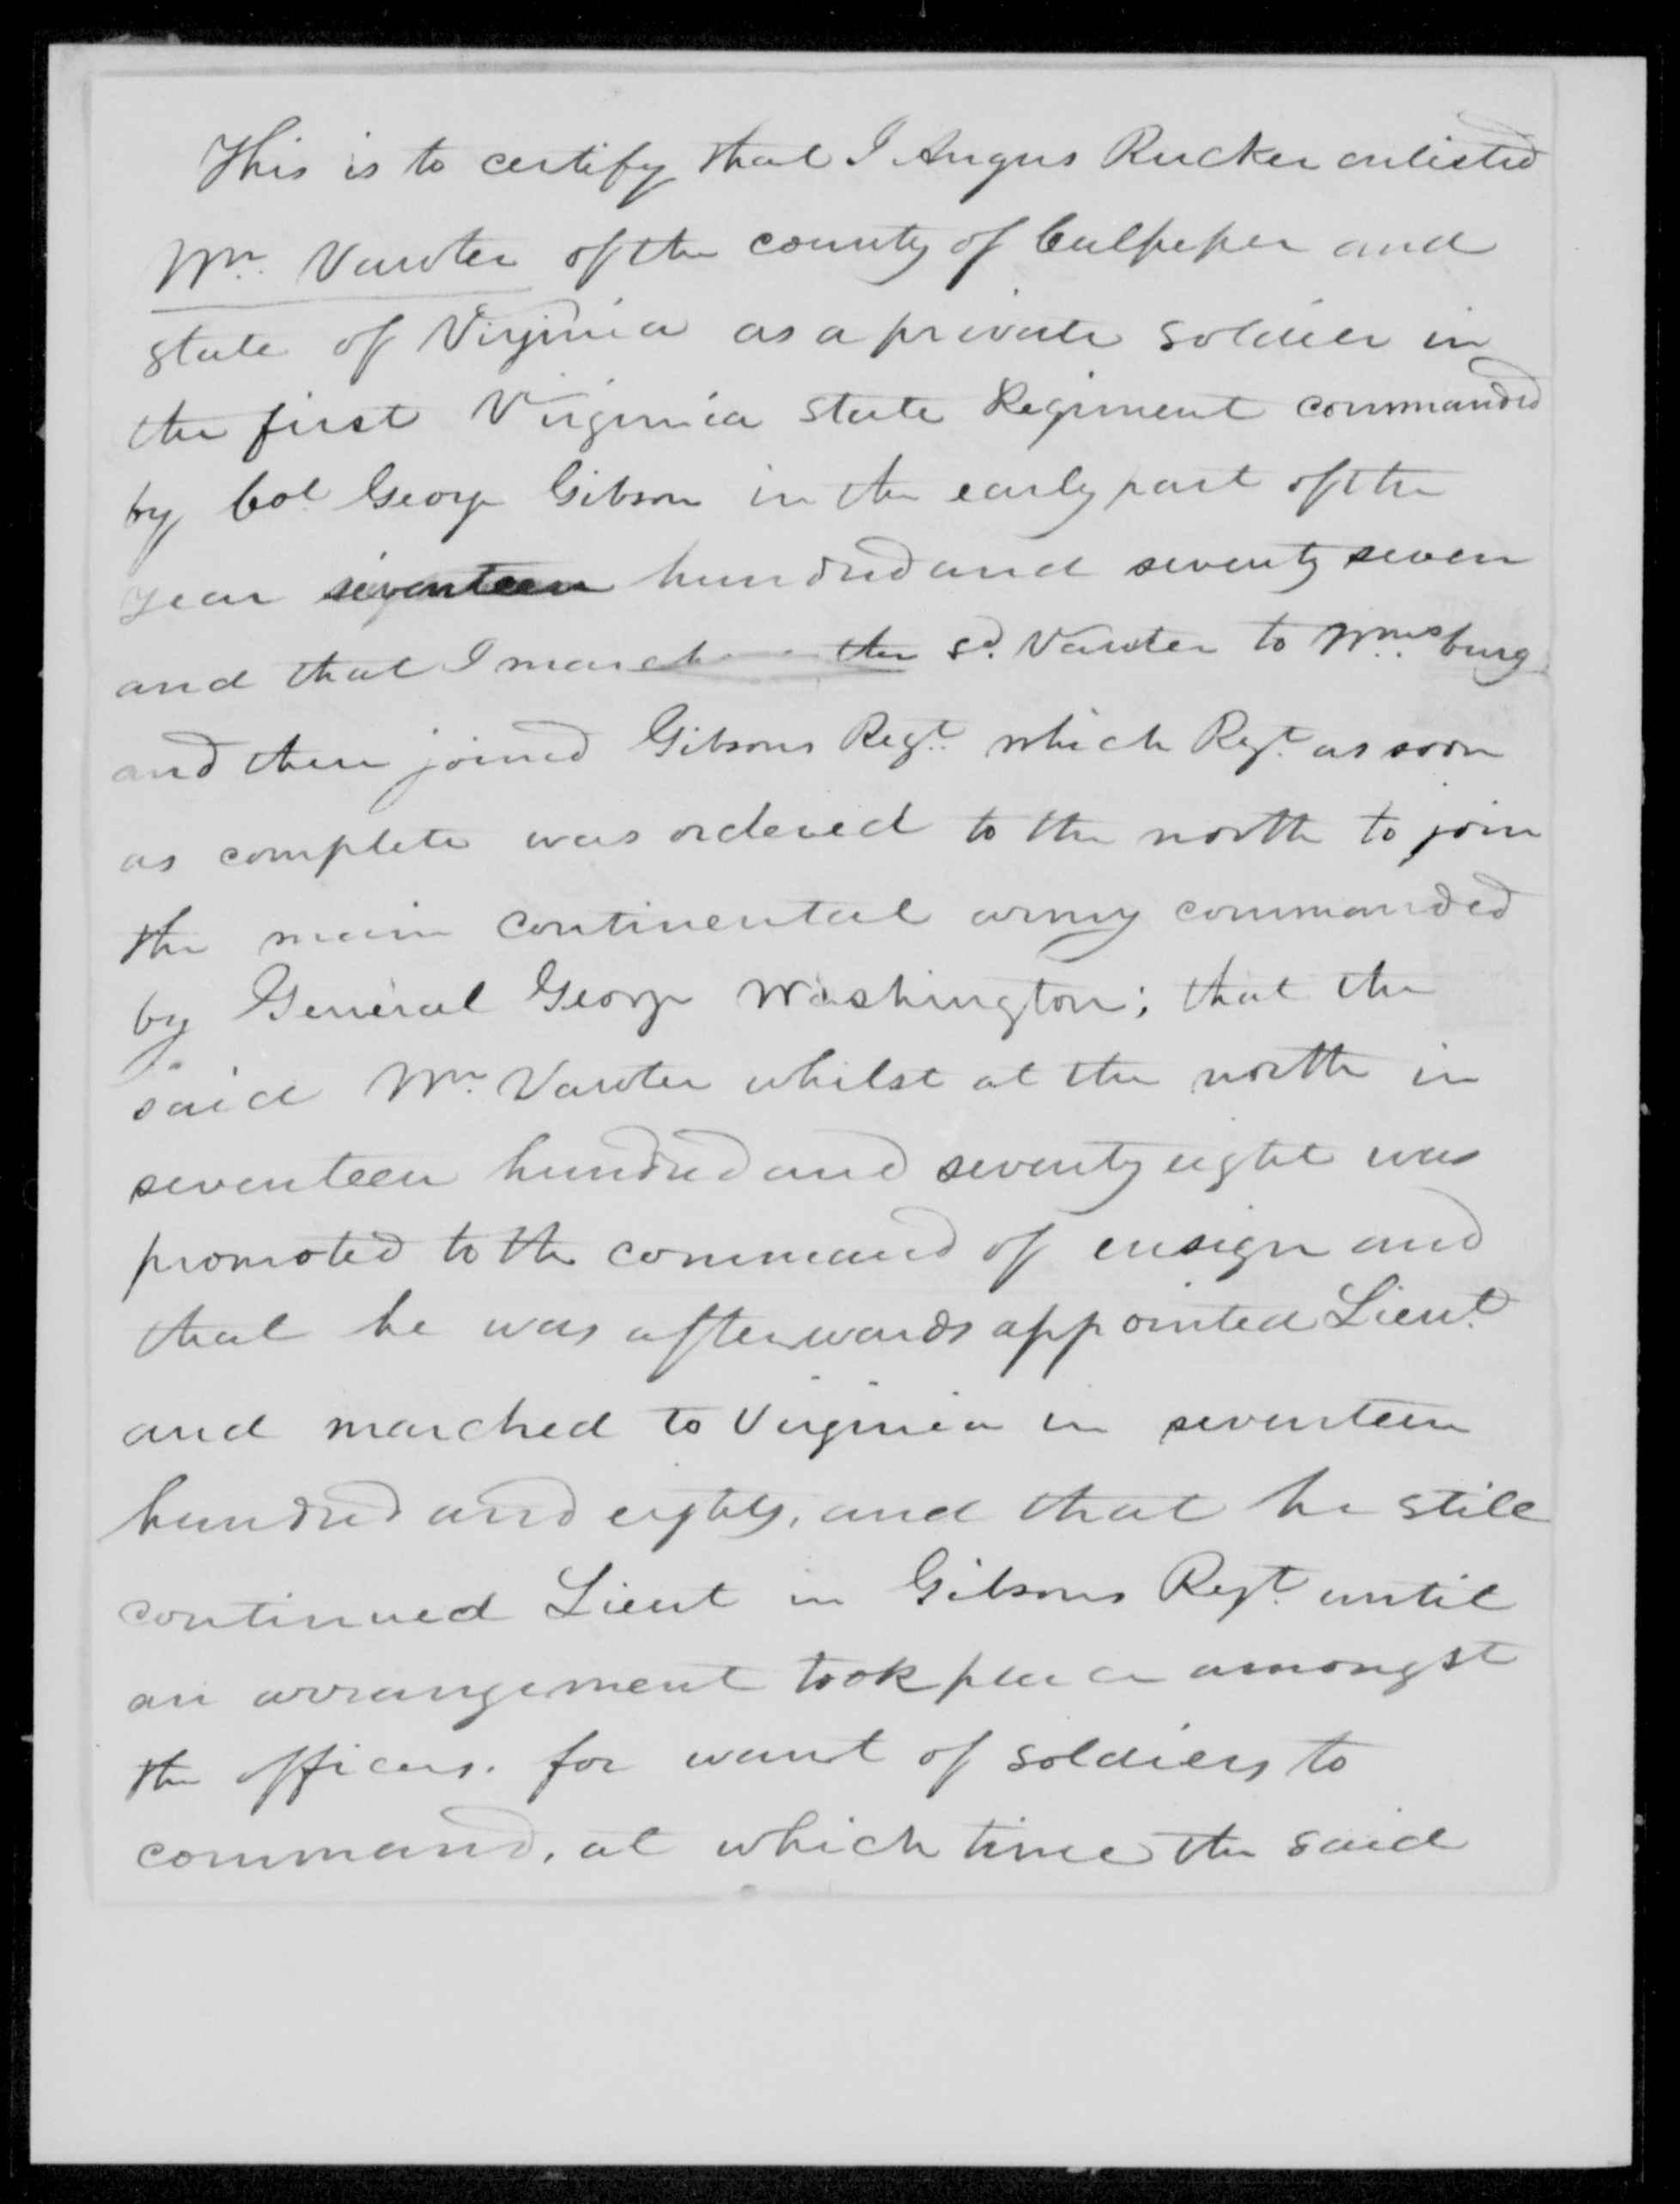This is to certify that I Angus Rucker enlisted
Mr. Vawter of the County of Culpeper and
State of Virginia as a private soldier in
the first Virginia State Regiment commanded
by Col George Gibson in the early part of the
year seventeen hundred and seventy seven
and that I marched [...illegible] then sd Vawter to Wmsburg
and then joined Gibsons Regt. which Regt. as soon
as complete was ordered to the north to join
the main continental army commanded
by General George Washington; that the
said Mr. Vawter whilst at the north in
seventeen hundred and seventy eight was
promoted to the command of ensign and
that he was afterwards appointed Lieut.
and marched to Virginia in seventeen
hundred and eighty, and that he still
continued Lieut in Gibsons Regt. until
an arrangement took place amongst
the officers, for want of soldiers to
command, at which time the said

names: George Washington, George Gibson, Vawter, Vawter, Vawter, Angus Rucker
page: 24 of 51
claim: rejected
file: R. 10,921, William Vawter, Va.